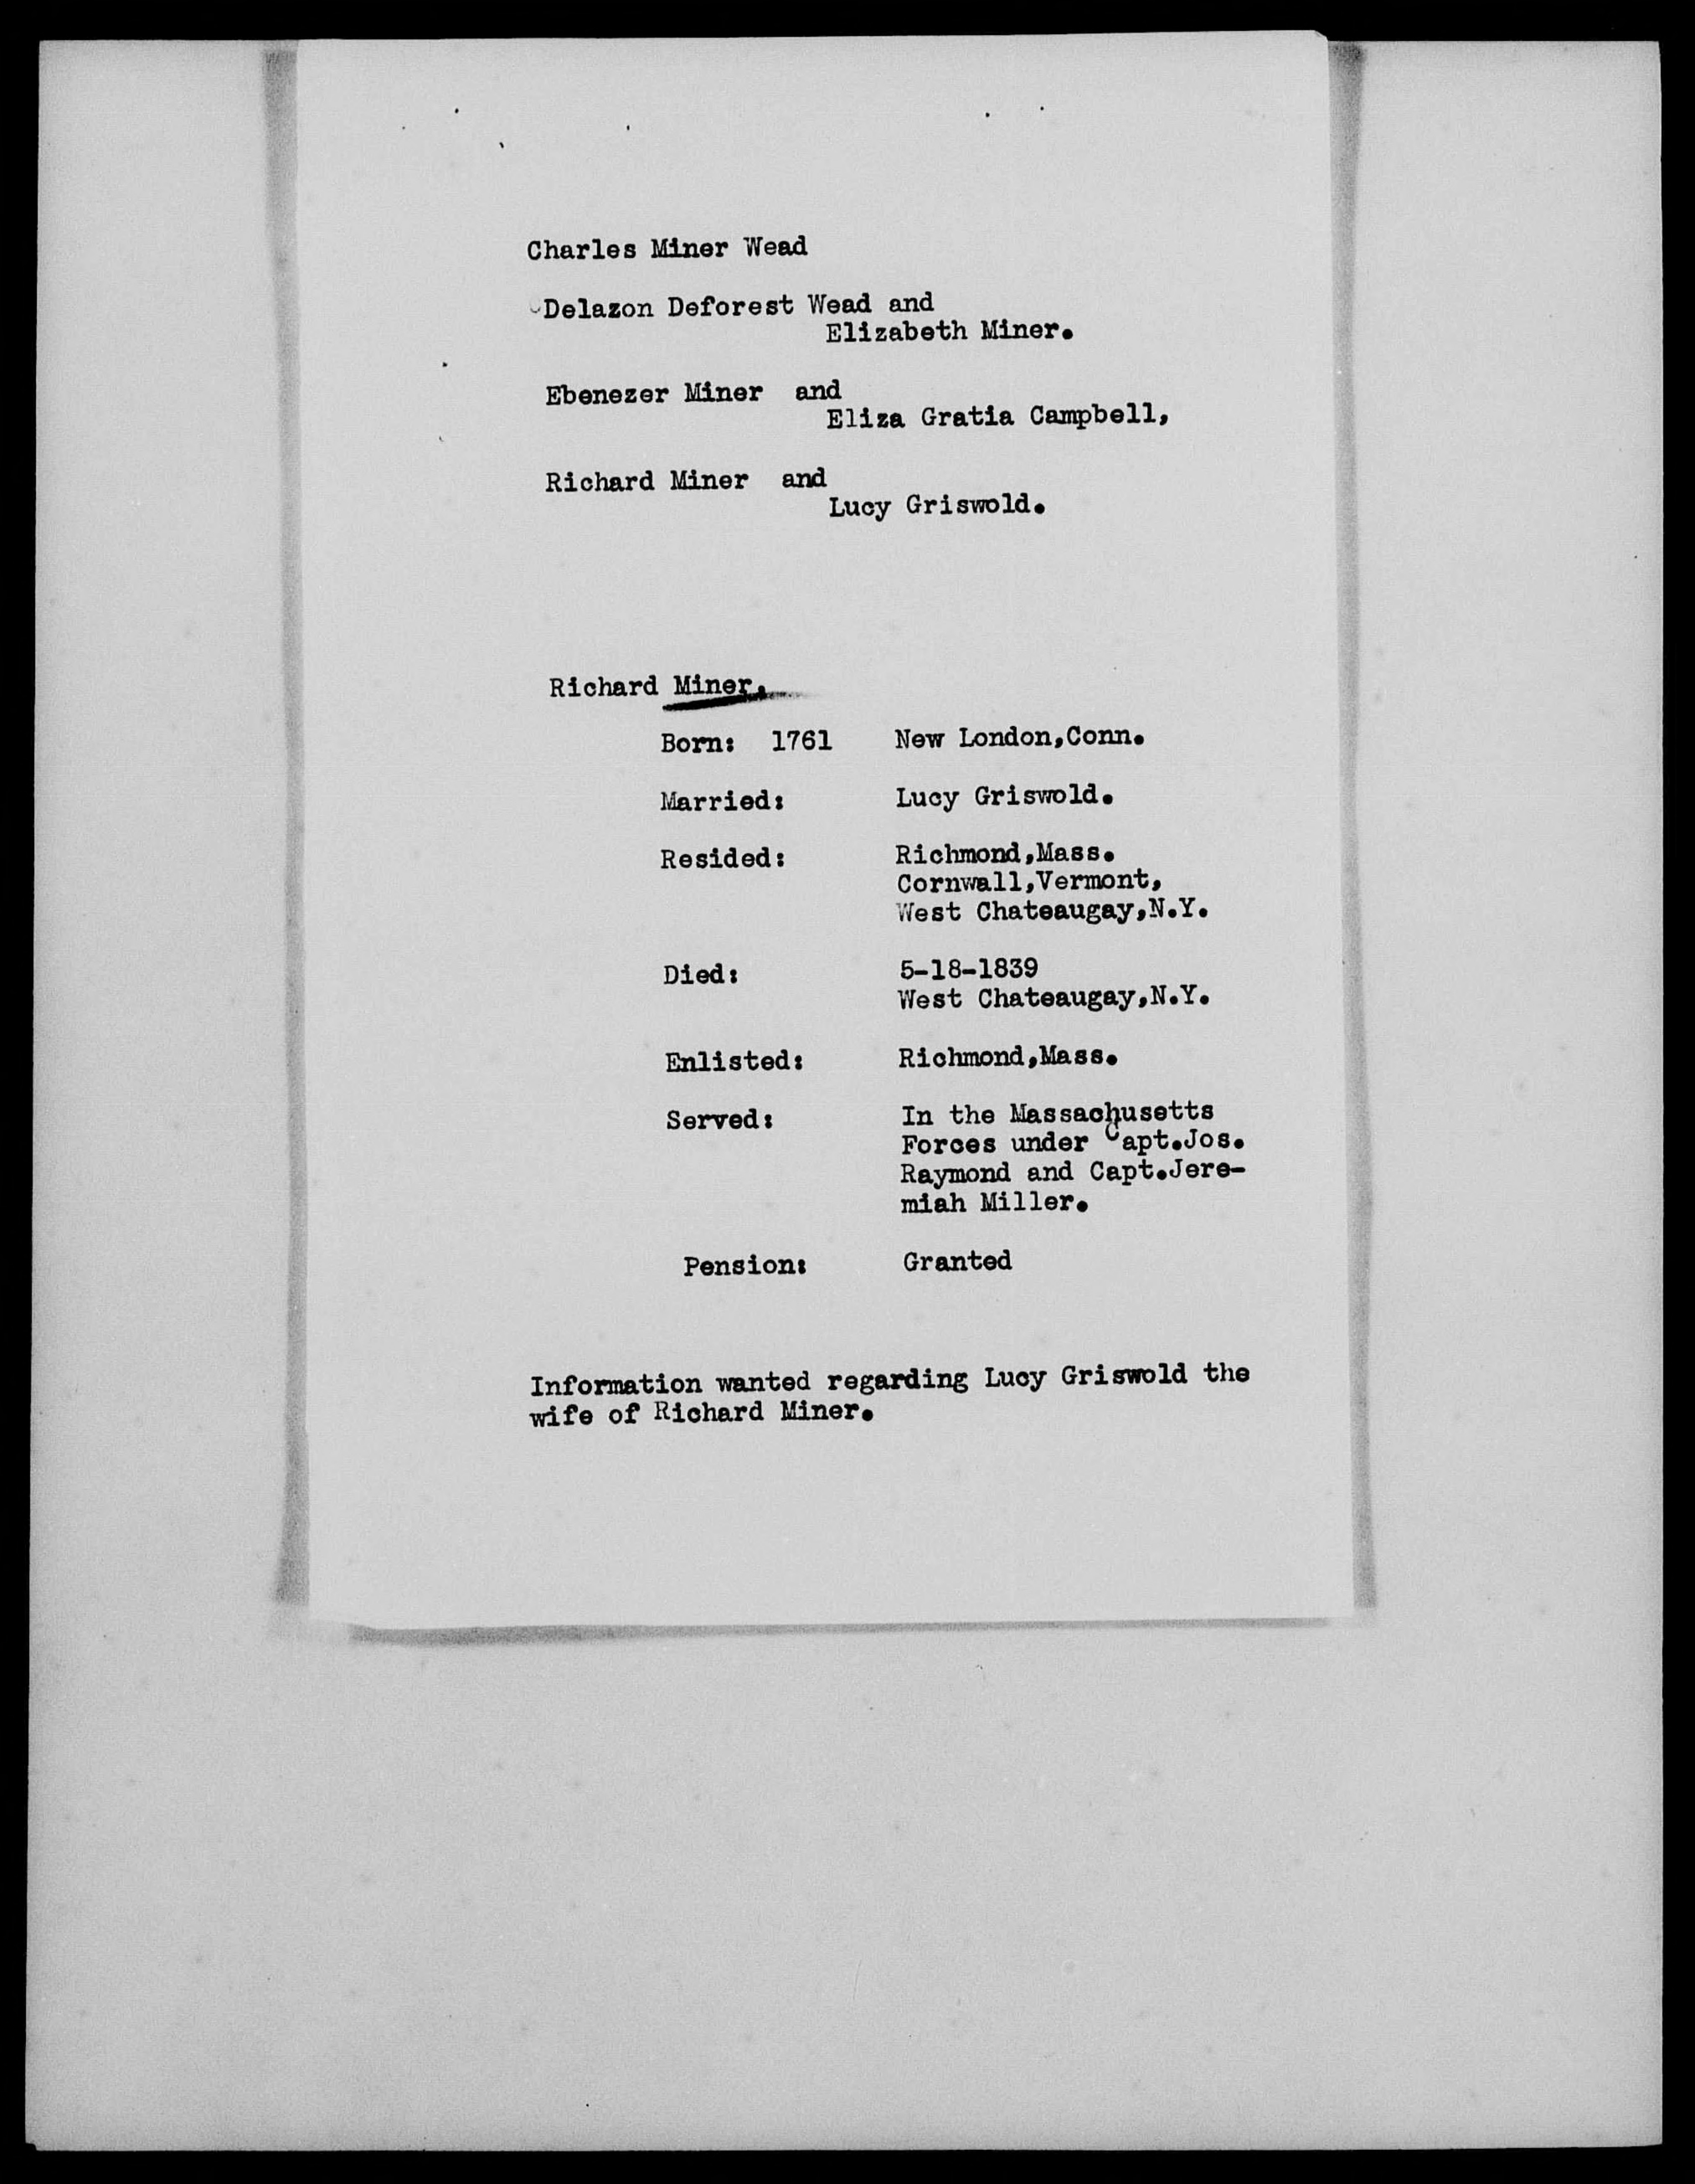Charles Miner Wead
Delazon Deforest Wead and Elizabeth Miner.
Ebenezer Miner and Eliza Gratia Campbell,
Richard Miner and Lucy Griswold.

Richard Miner.
Born: 1761 New London, Conn.
Married: Lucy Griswold
Resided: Richmond, Mass. Cornwall, Vermont, West Chateaugay, N.Y.
Died: 5-18-1839 West Chateaugay, N.Y.
Enlisted: Richmond, Mass.
Served: In the Massachusetts Forces under Capt. Jos. Raymond and Capt. Jeremiah Miller.
Pension: Granted

Information wanted regarding Lucy Griswold the wife of Richard Miner.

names: Eliza Gratia Campbell; Delazon Deforest Wead; Ebenezer Miner; Lucy Griswold; Jos Raymond; Jeremiah Miller; Richard Miner; Elizabeth Miner; Charles Miner Wead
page: 16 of 34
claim: survivor's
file: S. 13944, for Richard Miner, Massachusetts